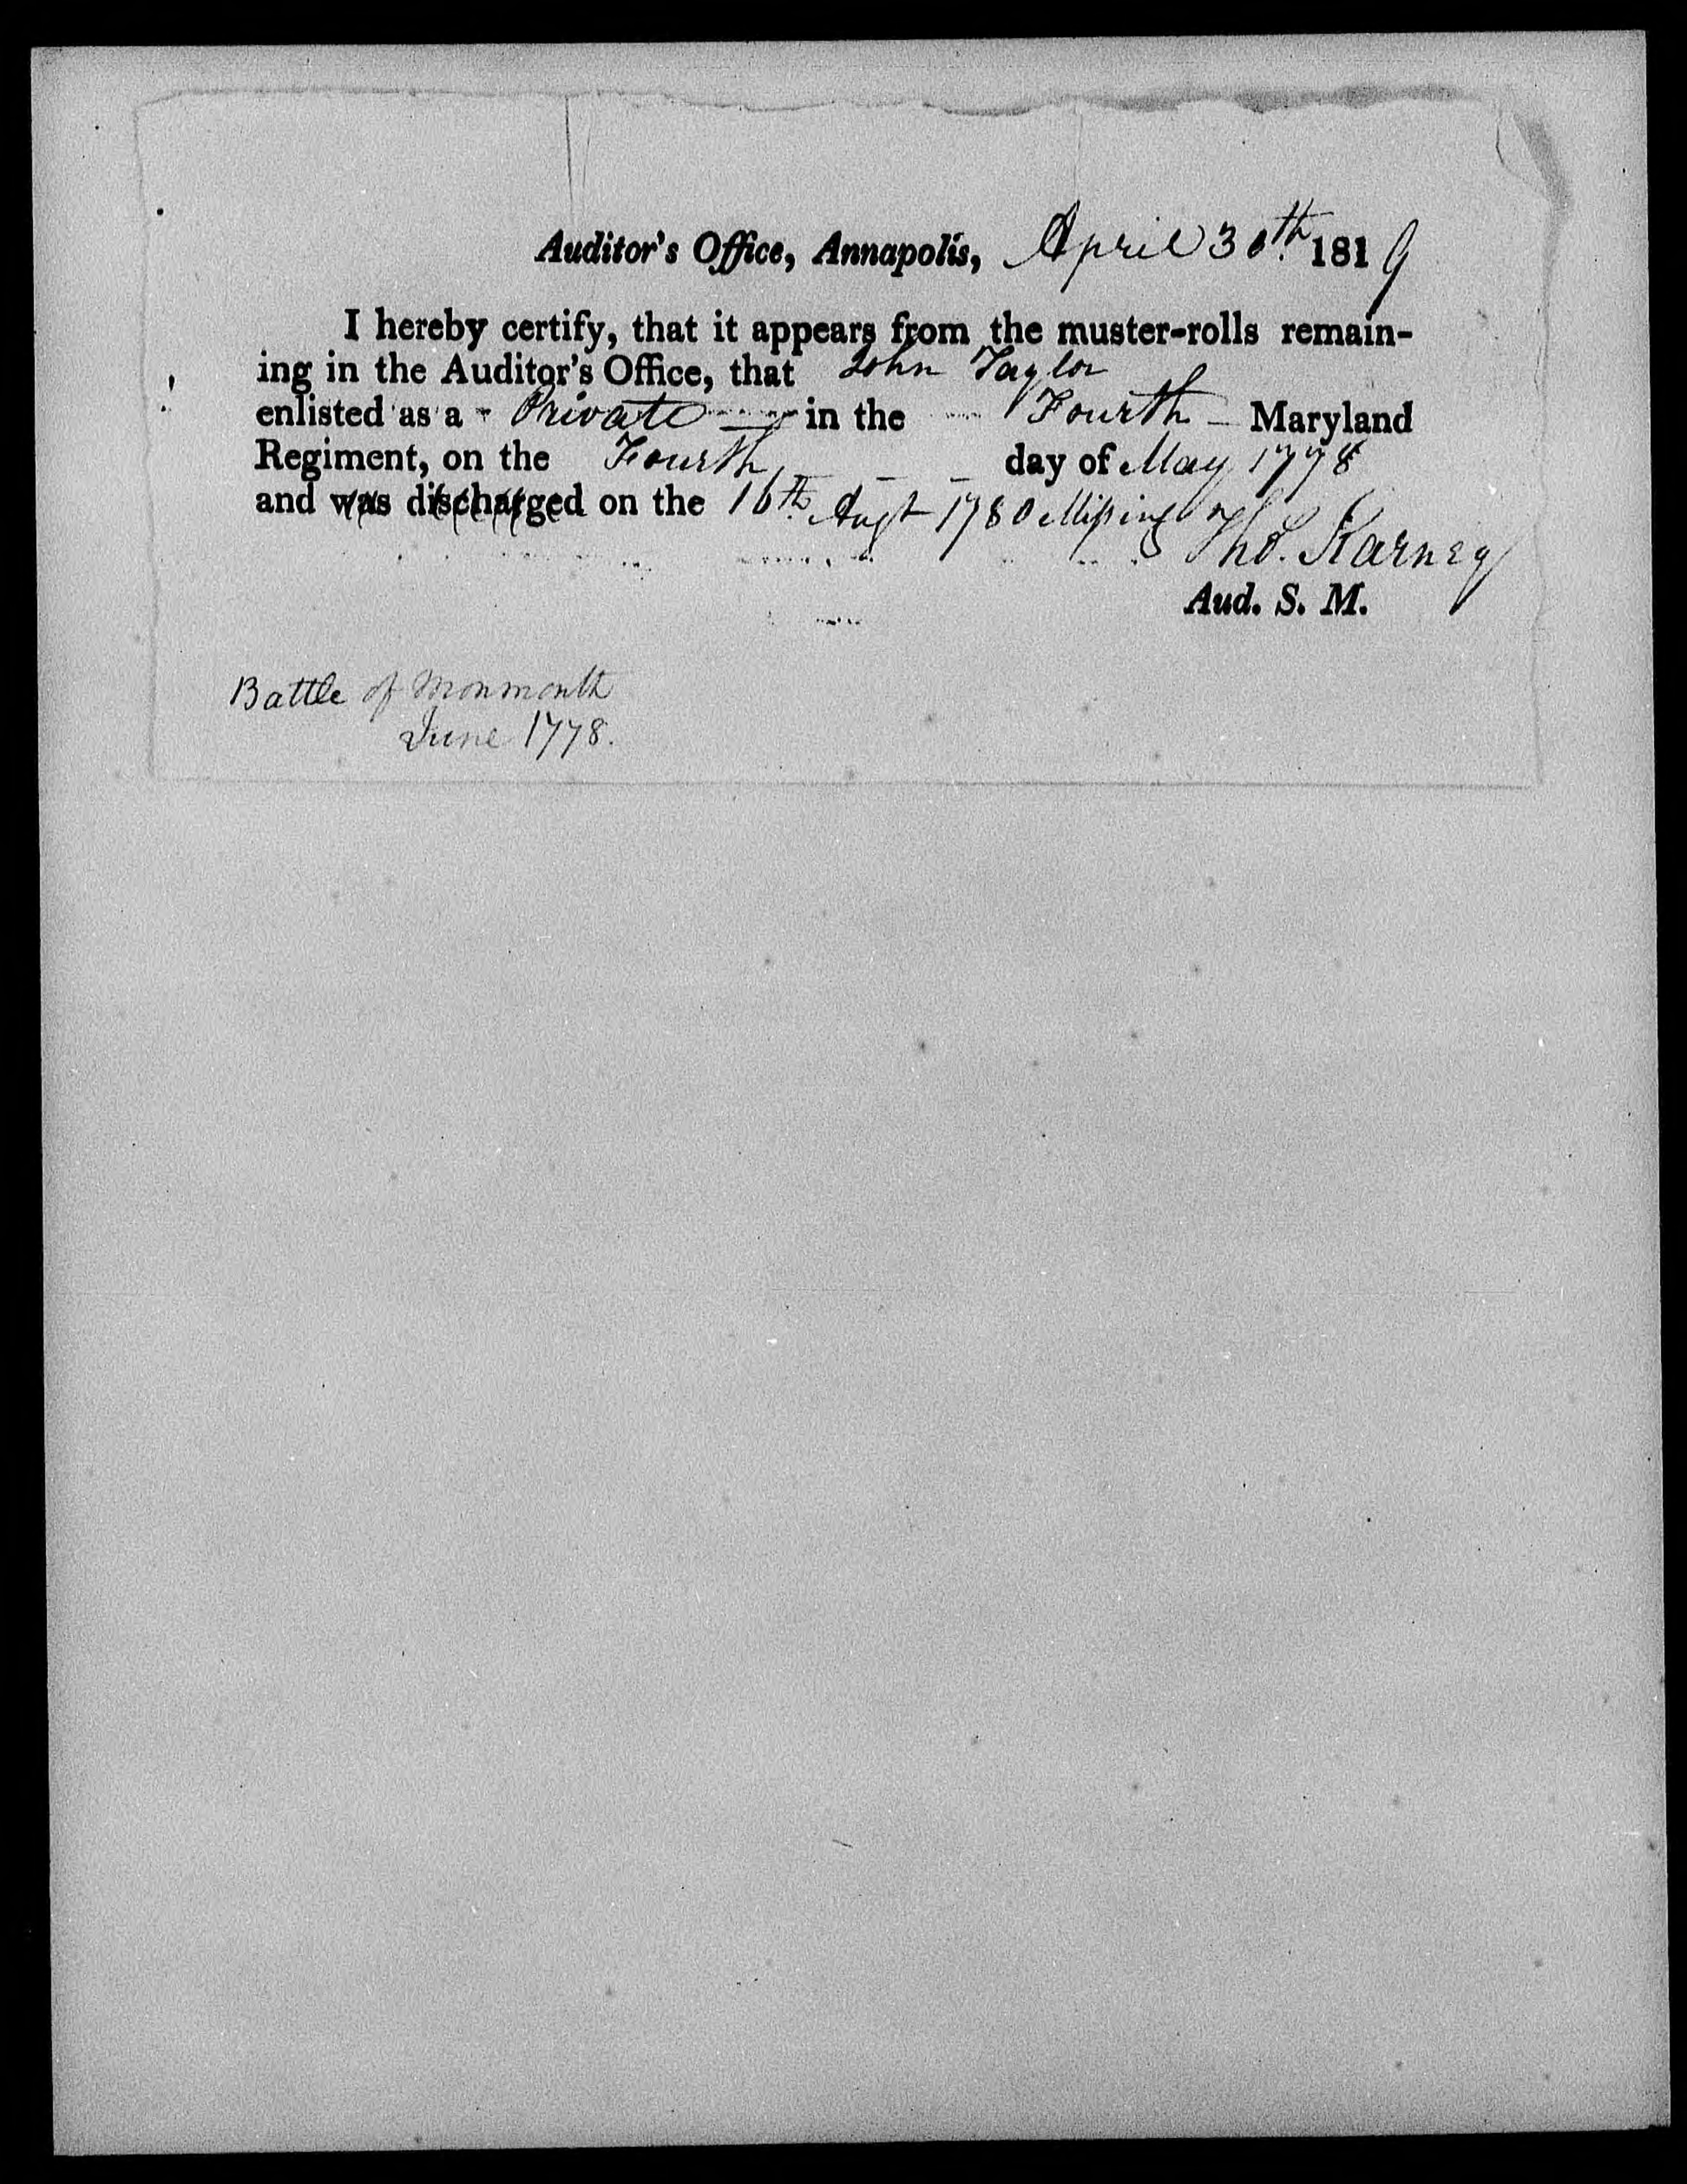Auditor's Office, Annapolis, April 30th 1819

I hereby certify, that it appears from the muster-rolls remain
ing in the Auditor's Office, that John Taylor 
enlisted as a Private in the Fourth Maryland 
Regiment, on the Fourth day of May 1778 
and [struck out: was discharaged] on the 16th Augt 1780 missing
Thos. Karney
Aud. S. M.

[Handwritten note]
Battle of Monmouth 
June 1778.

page: 9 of 18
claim: survivor's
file: S. 37,483, for John Taylor, Maryland